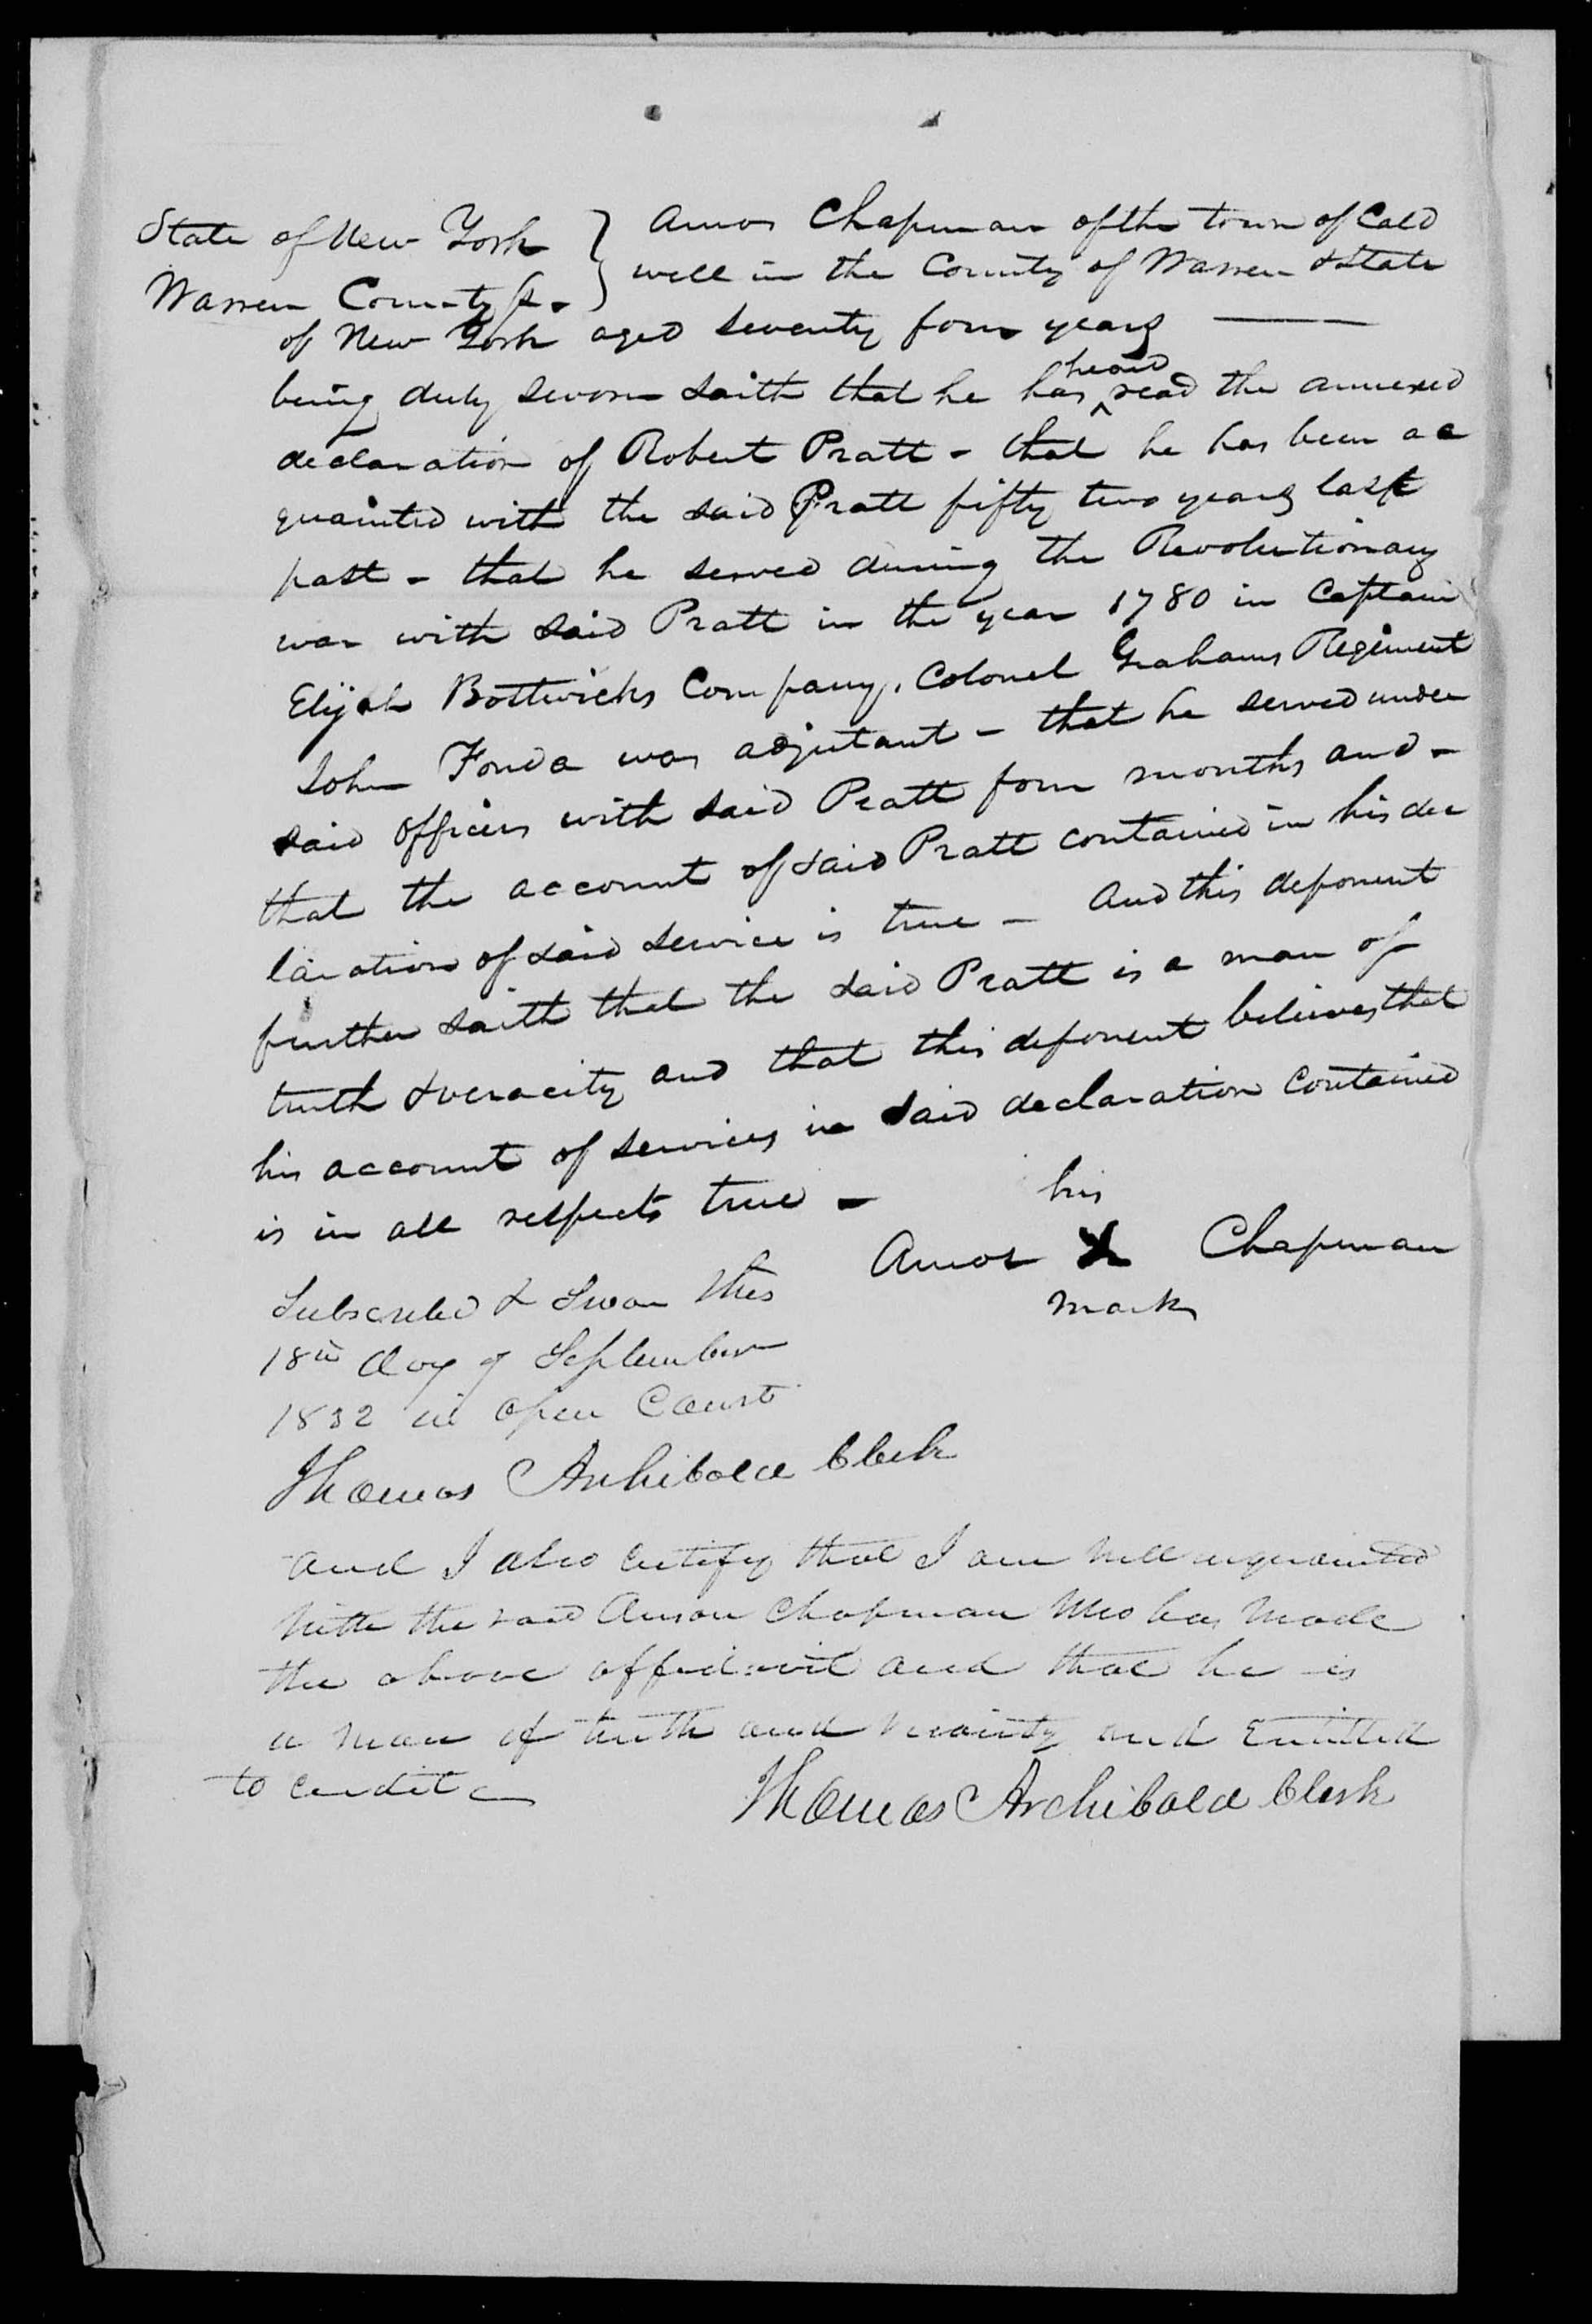State of New York
Warren County } ss:
Amos Chapman of the town of Caldwell in the County of Warren & State of New York aged seventy four years being duly sworn saith that he has heard read the annexed declaration of Robert Pratt, that he has been acquainted with the said Pratt fifty two years last past - that he served during the Revolutionary war with said Pratt in the year 1780 in Captain Elijah Bostwick's company, Colonel Graham's Regiment; John Fonda was adjutant- that he served under said officers with said Pratt four
months and that the account of said Pratt contained in his declaration of said service is
true and this deponent further saith that the said Pratt is a man of truth & veracity
and that this deponent believes that
his account of services in said declaration contained is in all respects true.
[signed]  Amos Chapman (X) his mark

Subscribed & Sworn this
18th day of September
1832 in open Court
Thomas Archibald Clerk

and I also certify that I am well acquainted with
the said Amos Chapman who has made
the above affidavit and that he is a
man of truth and veracity and entitled
to credit
Thomas Archibald Clerk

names: John Ford; Amos Chapman; Robert Pratt; Thomas Archibald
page: 11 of 23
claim: survivor's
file: S. 14,229, for Robert Pratt, New York